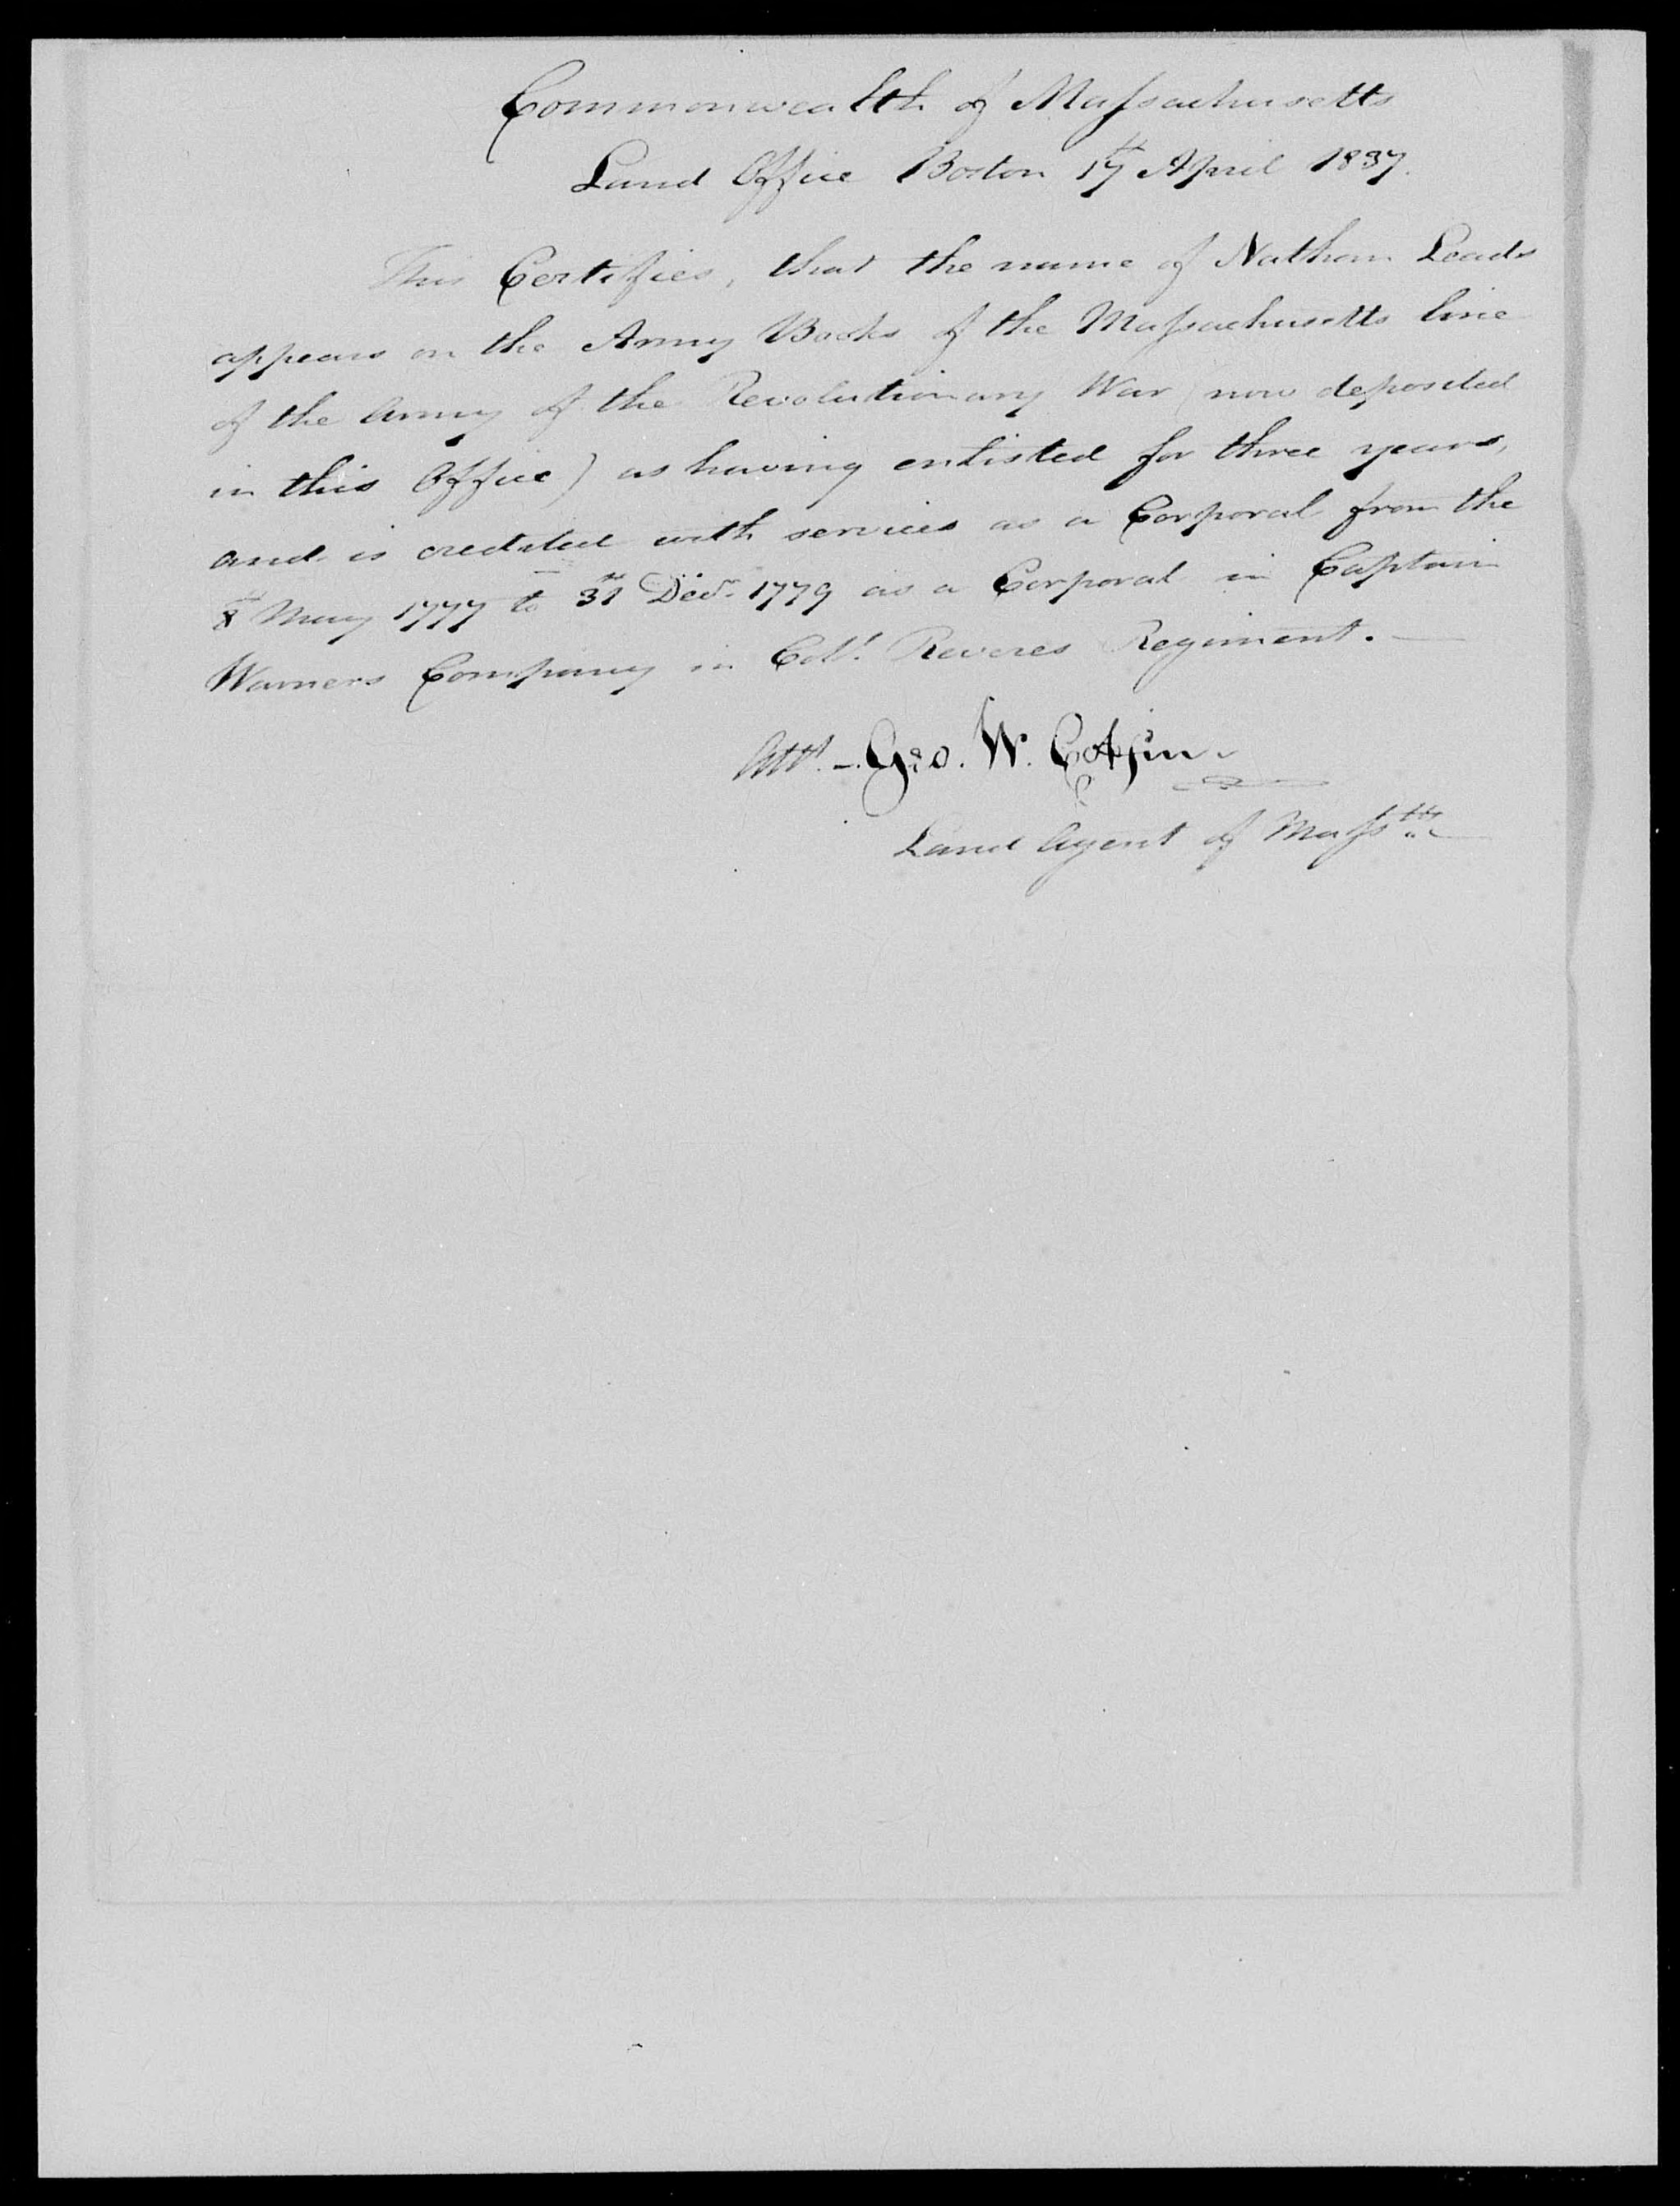Commonwealth of Massachusetts
Land Office Boston 17 April 1837
This certifies, that the name of Nathan Leeds appears on the Army Books of the Massachusetts line of the Army of the Revolutionary War (now deposited in this office) as having enlisted for three years,
and is credited with services as a Corporal from the
8 May 1777 to 31 Decr 1779 as a Corporal in Captain
Warners Company in Col. Reveres Regiment.-
Att Geo. W. Coffin
-
Land Agent of Mass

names: Geo W Coffin; Nathan Leads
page: 27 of 33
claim: widow's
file: W. 21,567, for Nathan Leeds, Massachusetts